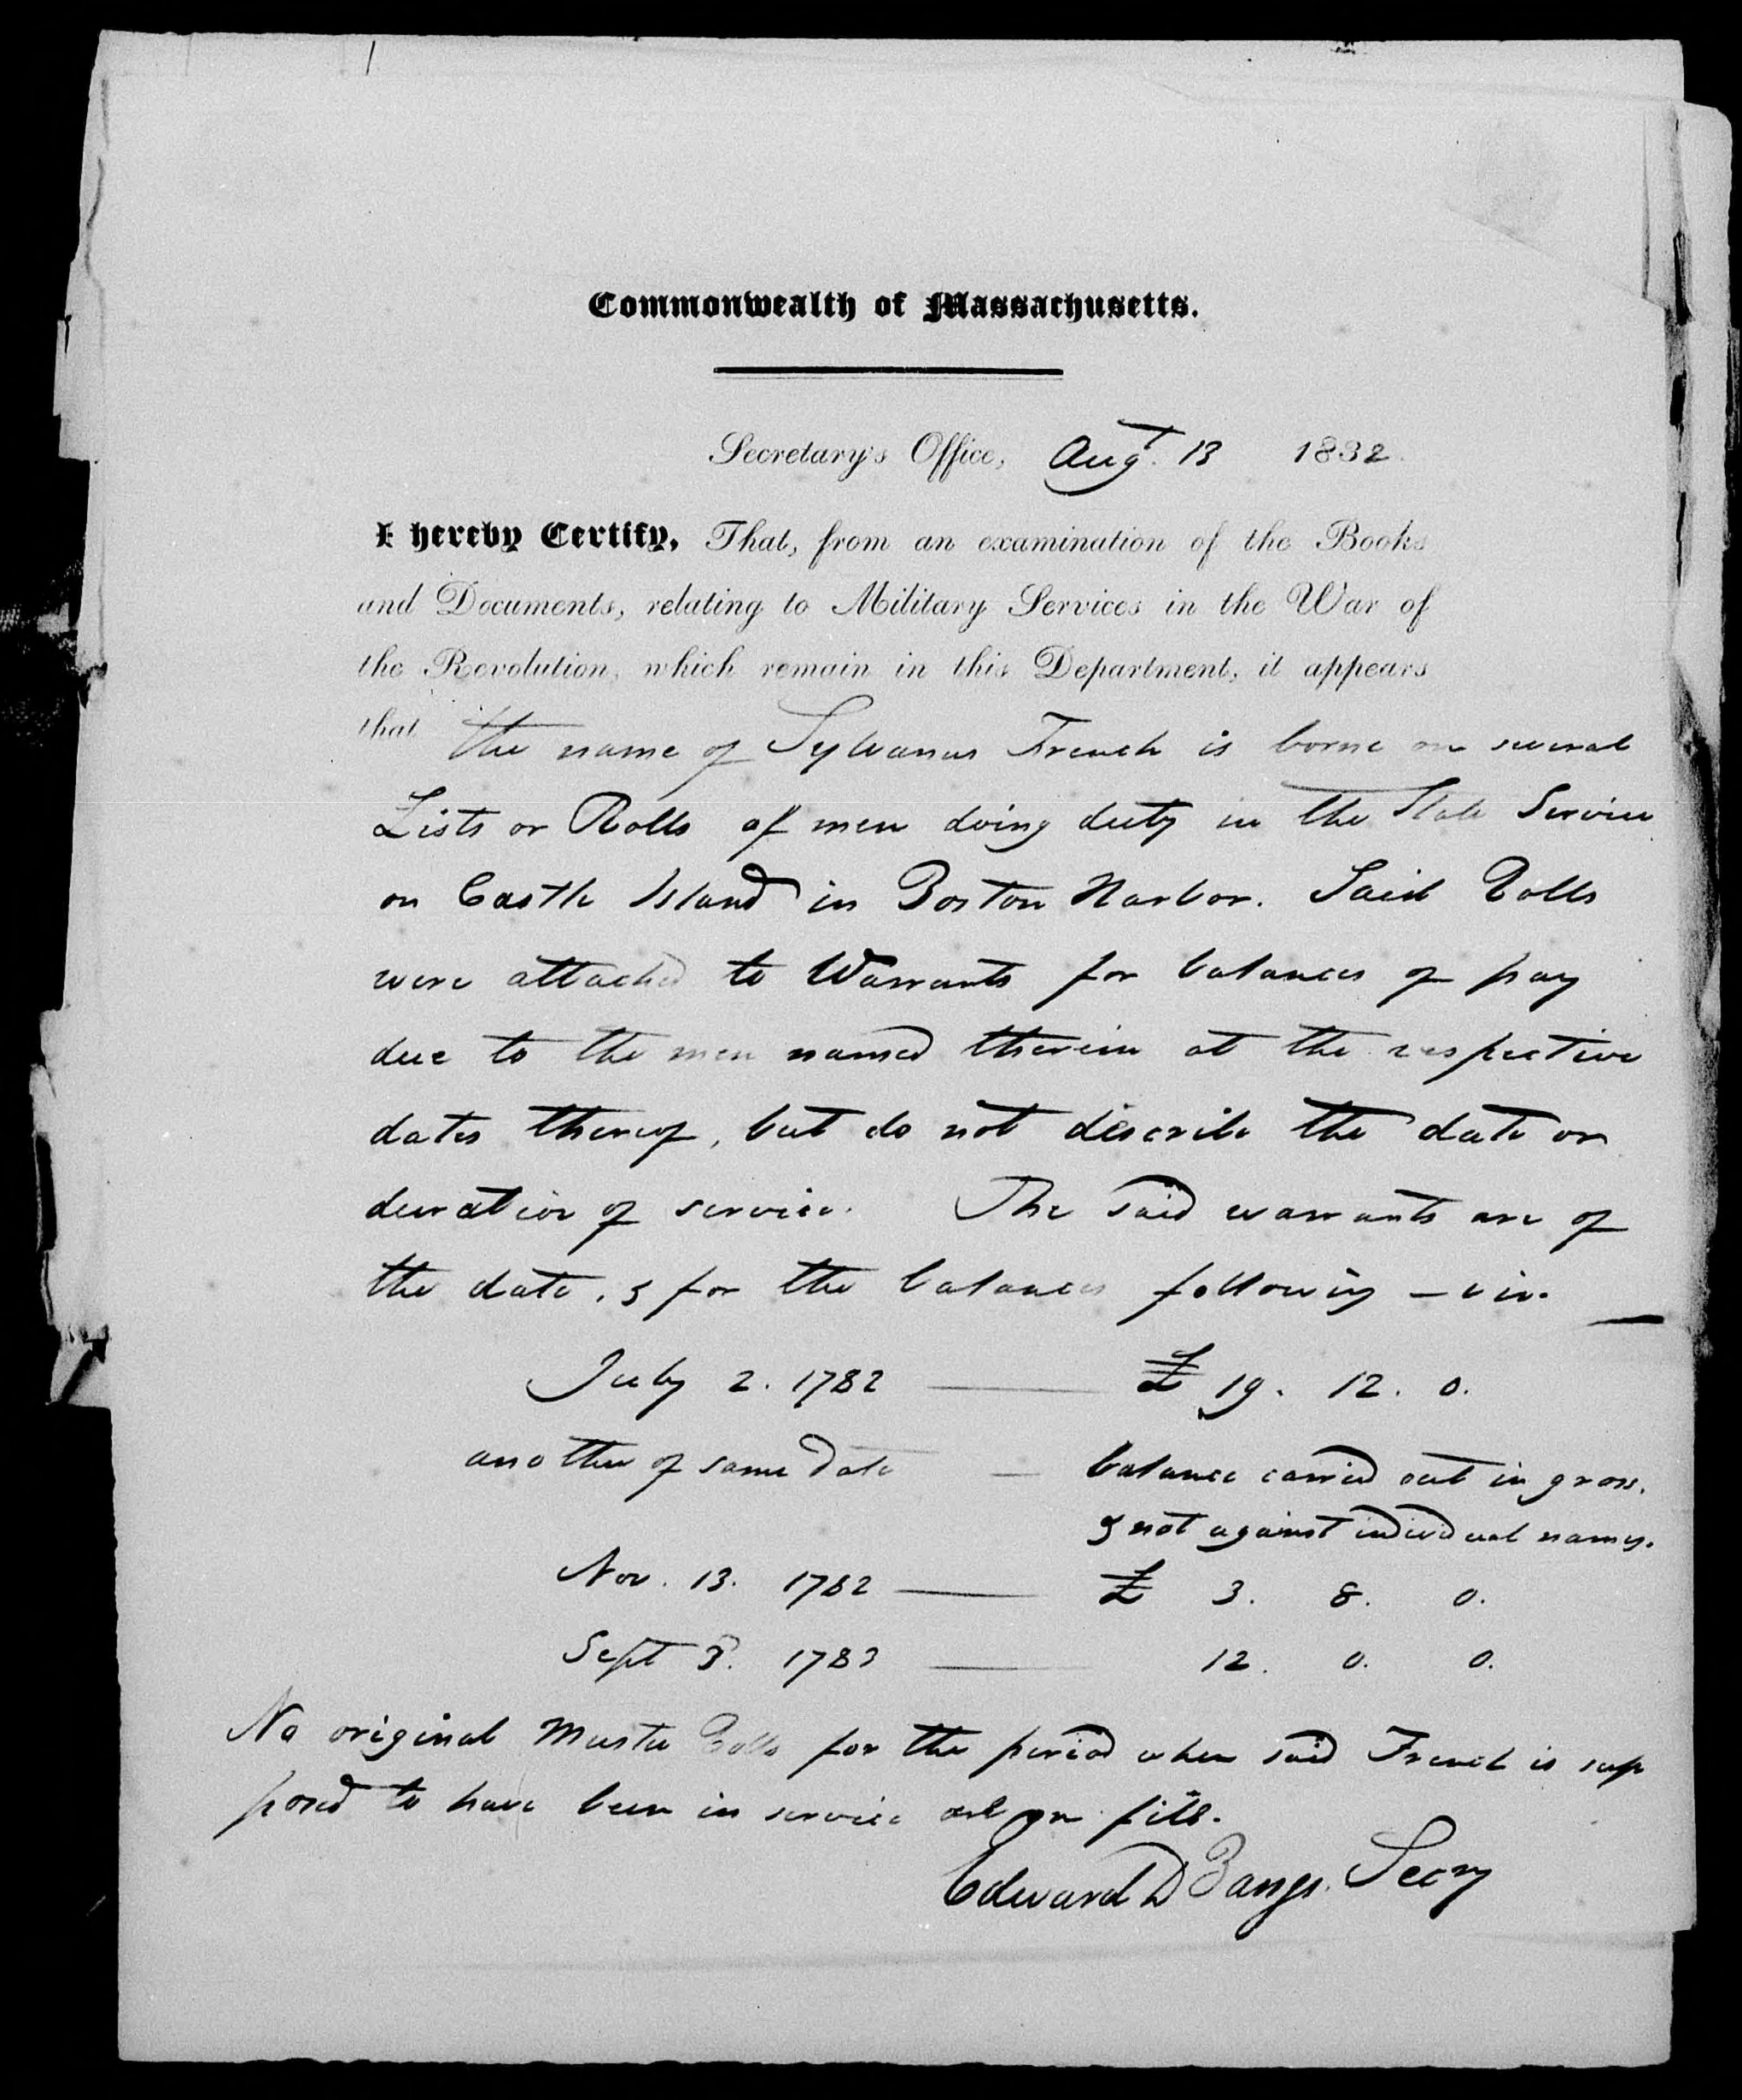Commonwealth of Massachusetts.
__________________________
Secretary's Office, Augt. 13 1832
I hereby Certify, That, from an examination of the Books
and Documents, relating to Military Services in the War of
the Revolution, which remain in this Department, it appears
that the name of Sylvanus French is borne on several
List or Rolls of men doing duty in the State Service
on Castle Island in Boston Harbor. Said Rolls
were attached to Warrants for balances of pay
due to the men named therein at the respective
date thereof, but do not described the date or
duration of service. The said warrants are of
the date & for the balances following- - vis.

July 2. 1782 ---- [pound sign] 19. 12. 0.

another of same date -- balance carried out in gross.
& not against individual names.

Nov. 13. 1782 ---- [pound sign] 3.   8.   0.

Sept 3. 1782 ----      12.   0.   0.

No original Muster Rolls for the period when said French is supposed
to have been in service are on file.
Edward D Bangs, Secry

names: French, Edward D Bangs, Sylvanus French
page: 13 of 38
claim: widow's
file: W. 24,235, Silvanus French, Mass.